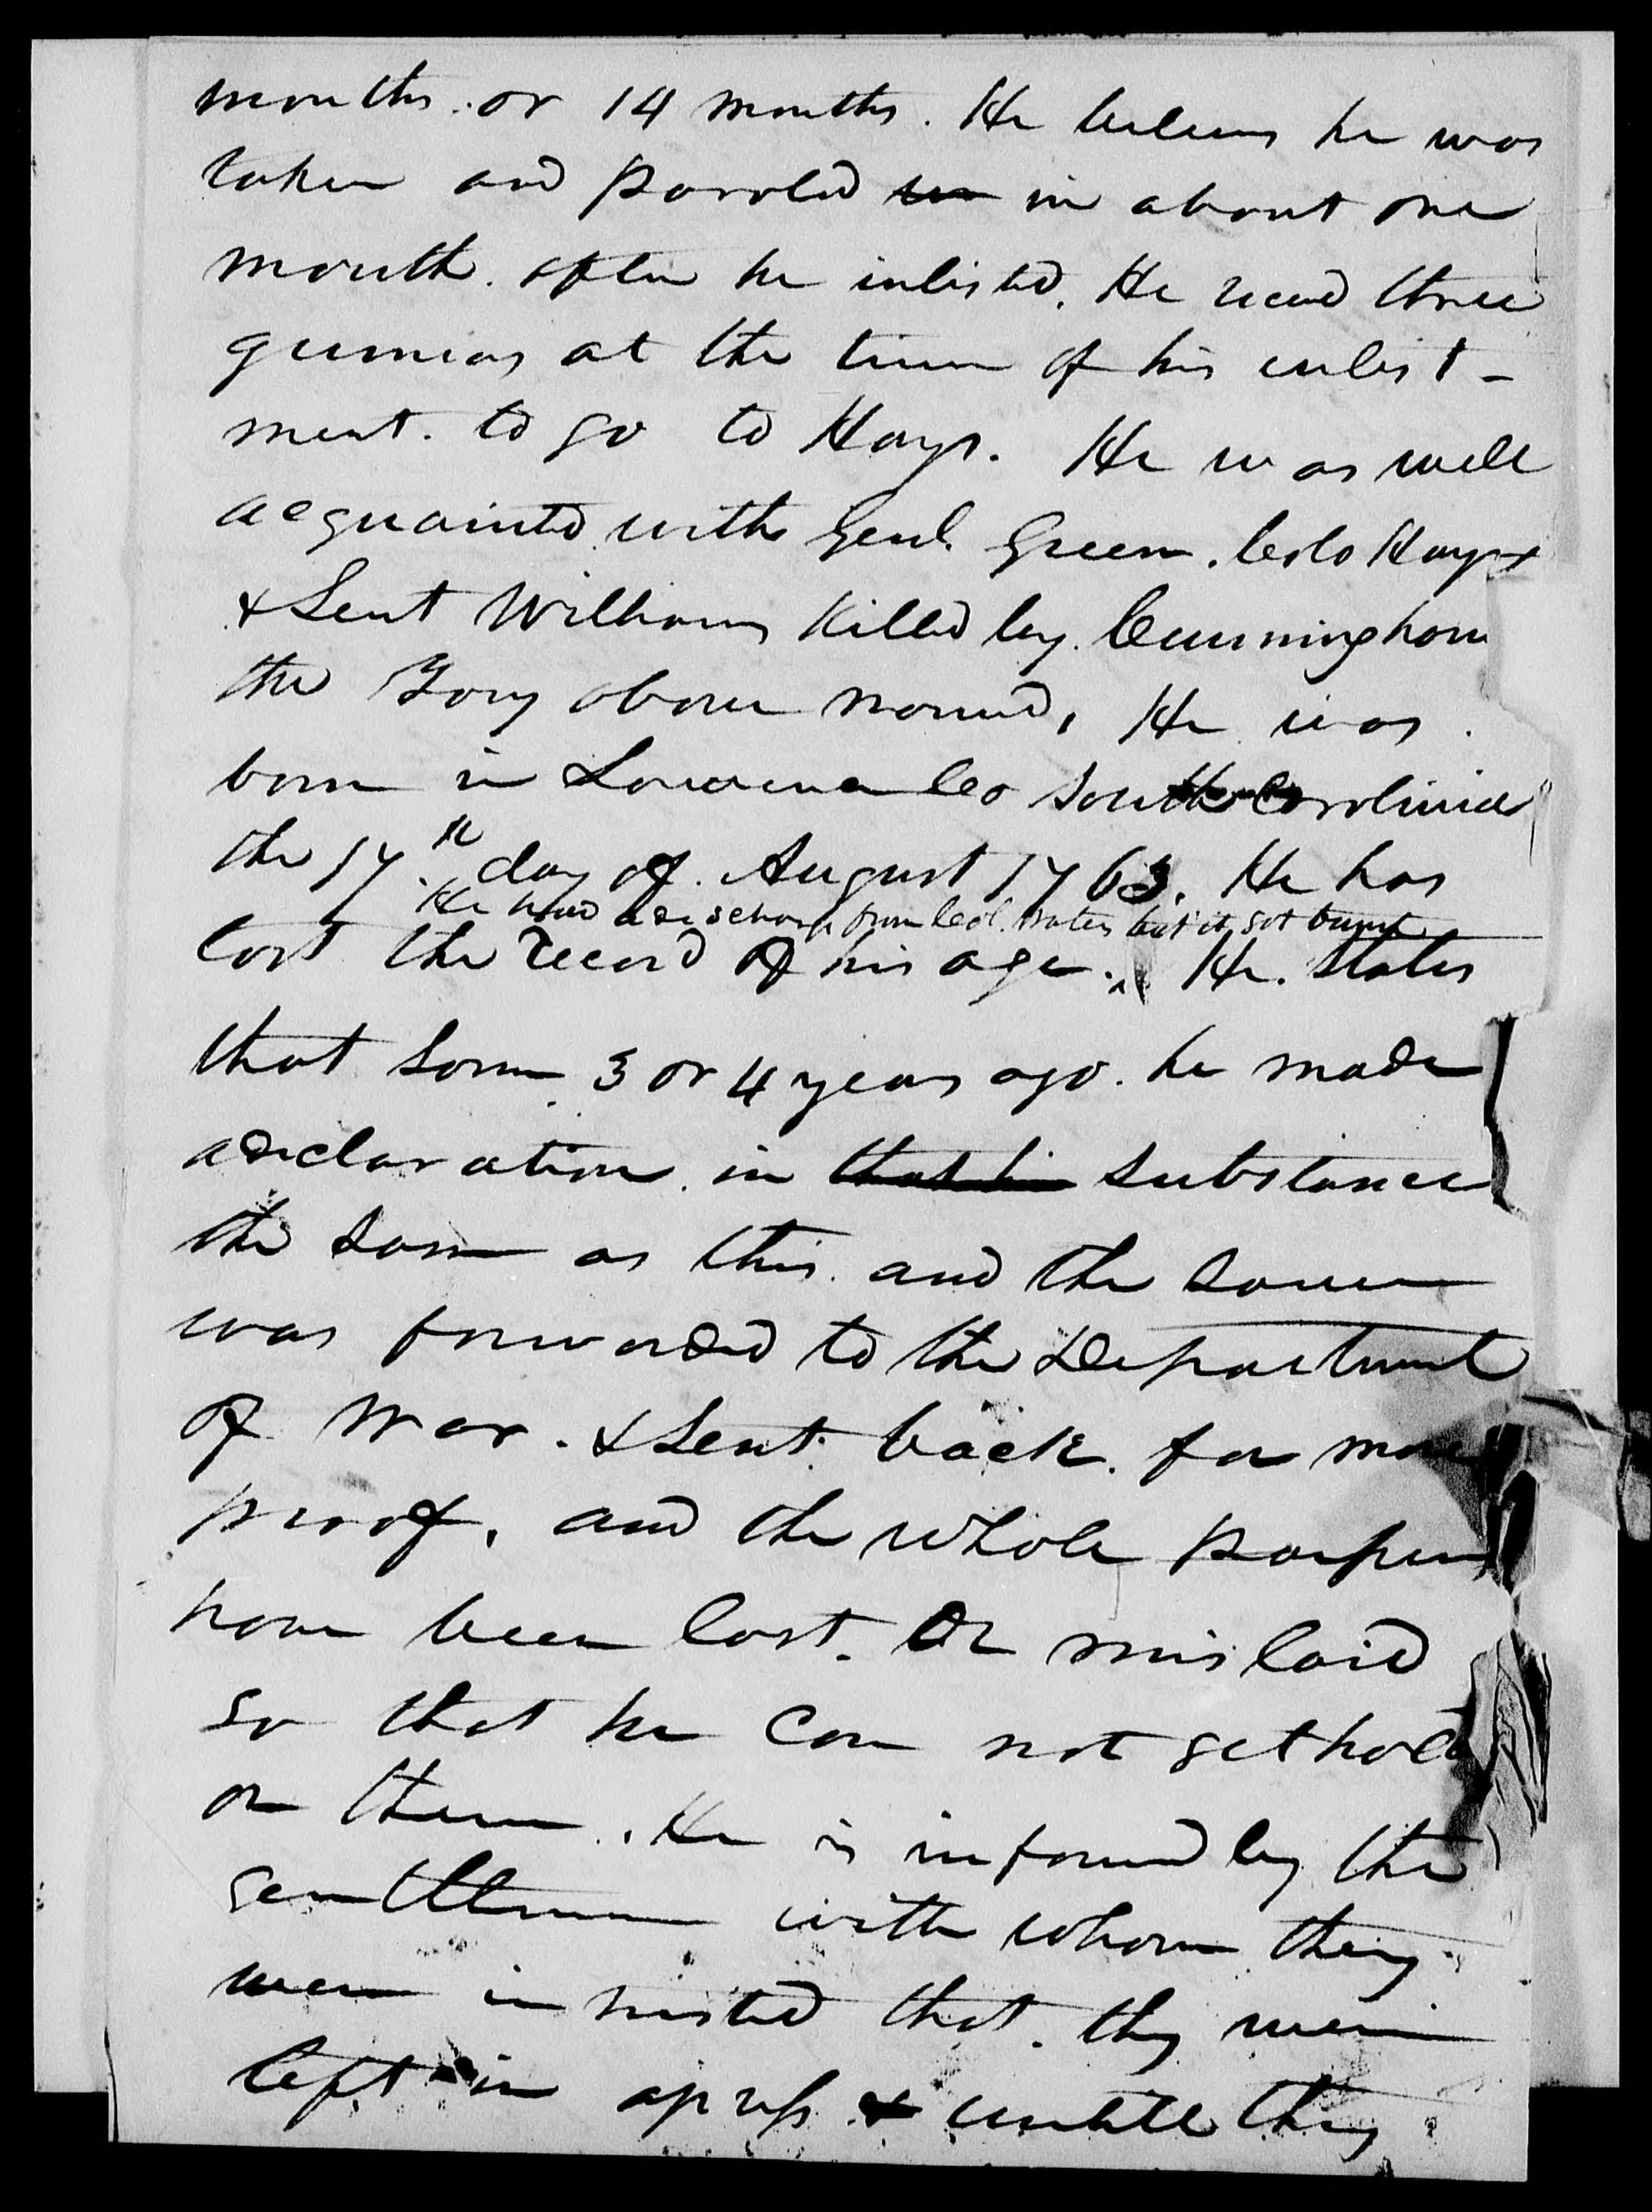months or 14 months. He believes he was taken and paroled in about one
month, after he enlisted. He received three guineas at the time of his enlistment to go to [Col. Joseph] Hayes.
He was well acquainted with Gen [Nathanael Greene]Green, Colo Hayes,
& Lieut [Joseph] Williams Killed by Cunningham the Tory above named.
He was born in Laurens Co South Carolina the 17th day of August 1762.
He has lost the record of his age. He had the discharge from Col. [Philemon] Waters but it got burnt.  He States that some 3 or 4 years ago he made a declaration in substance the same as this and the same was forwarded to the Department of War & sent back for more proof, and the whole papers have been lost or mislaid so that he can not get hold of them. He is informed by the Gentlemen with whom they were entrusted that they were left in [illegible] & untill the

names: [BLANK] Waters; [BLANK] Green; [BLANK] Cunningham; [BLANK] Williams; [BLANK] Hay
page: 7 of 43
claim: rejected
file: R. 8217, for Thomas Philpot, South Carolina